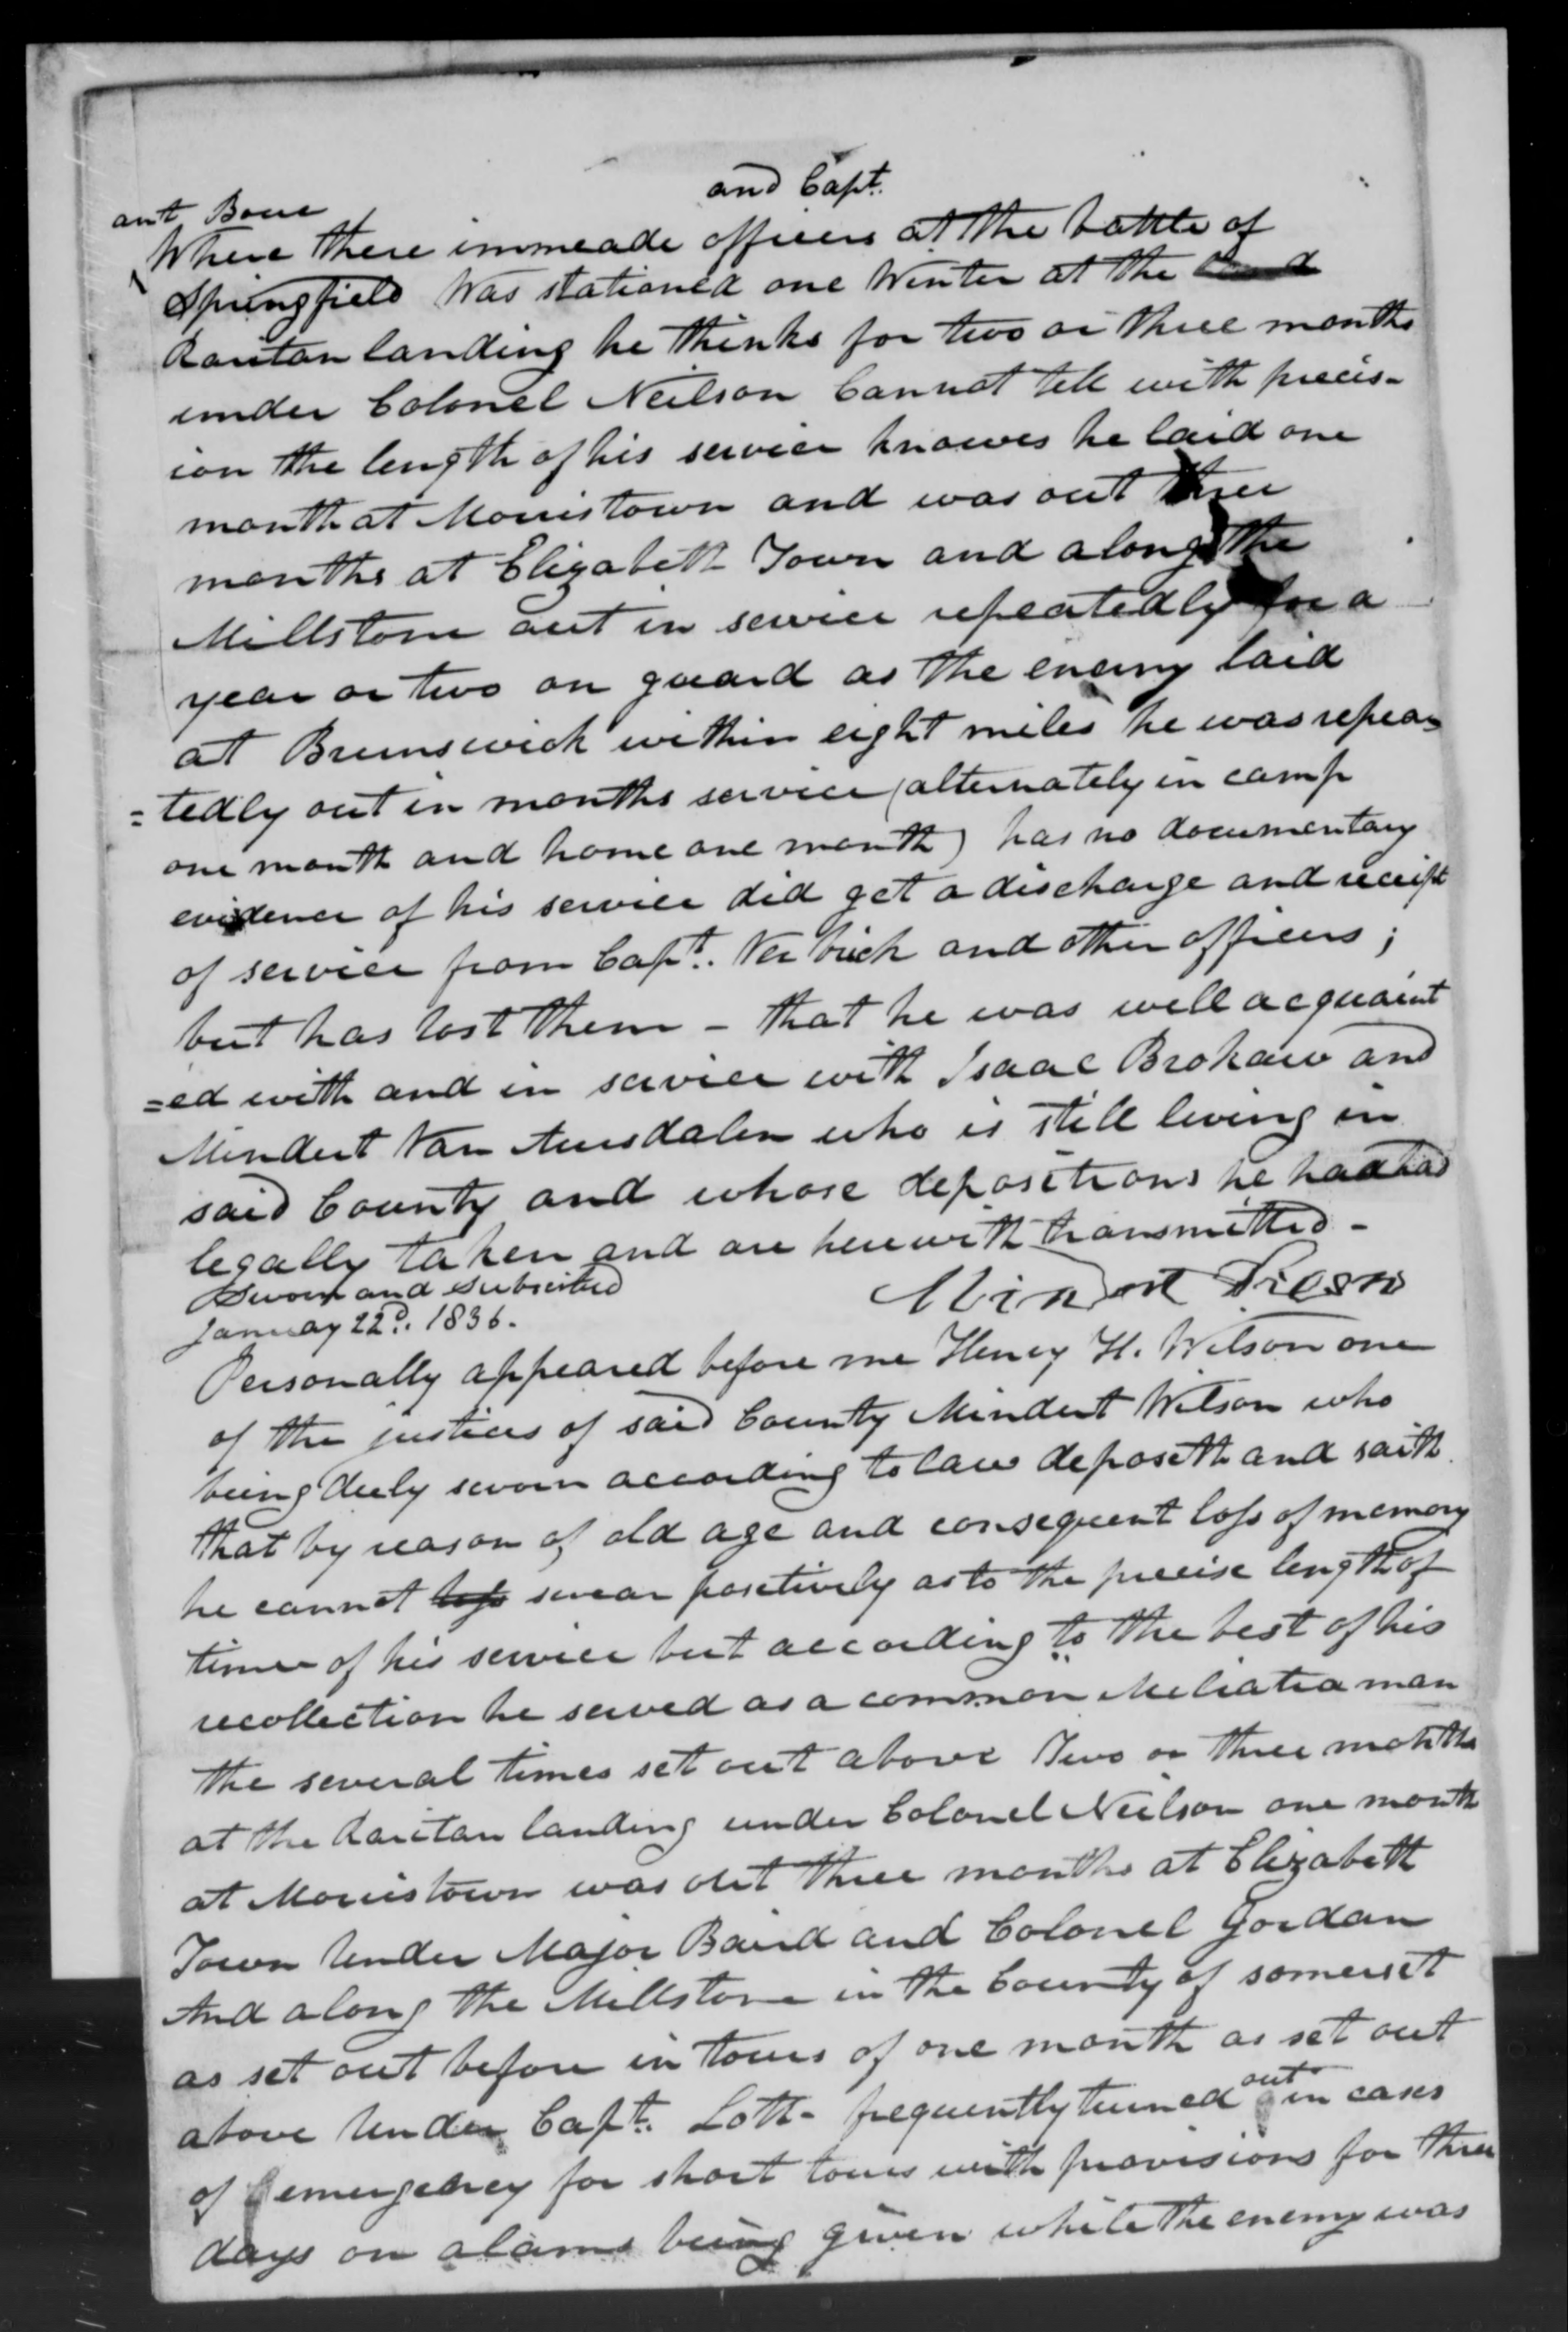ant [Lieutenant] Bons Where there immeade [were their immediate] officers at the battle of Springfield Was stationed one winter at the Raritan landing he thinks for two or three months under Colonel Neilson Cannot tell with precision the length of his service knows he laid one month at Morristown and was out three months at Elizabeth Town and along the Millstone out in service repeatedly for a year or two on guard as the enemy laid at Brunswick within eight miles he was repeatedly out in months service (alternately in camp one month and home one month) has no documentary evidence of his service did get a discharge and receipts of service from Capt Verbrick and other officers; but has lost them -- that he was well acquainted with and in service with Isaac Brokaw and Mindert Van Arsdalen who is still living in said County and whose depositions he had had legally taken and are herewith transmitted.

[signed] Mindert Wilson

Sworn and subscribed January 22d 1836.

Personally appeared before me Henry H. Wilson one of the justices of said County Mindert Wilson who being duly sworn according to law deposeth and saith that by reason of old age and consequent loss of memory he cannot swear positively as to the precise length of time of his service but according to the best of his recollection he served as a common Militia man the several times set out above two or three months at the Raritan landing under Colonel Neilson one month at Morristown was out three months at Elizabeth Town under Major Baird and Colonel Jordan And along the Millstone in the County of Somerset as set out before in tours of one month as set out above under Capt. Lott, frequently turned out in cases of emergency for short tours with provisions for three days on alarms being given while the enemy was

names: Neilson, Ver Brick, Henry H Wilson, Jordan, Mindert Van Aursdalen, Lott, Mindert Wilson, Bous, Isaac Brokaw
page: 10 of 40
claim: survivor's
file: S. 3564, Mindart Wilson, New Jersey